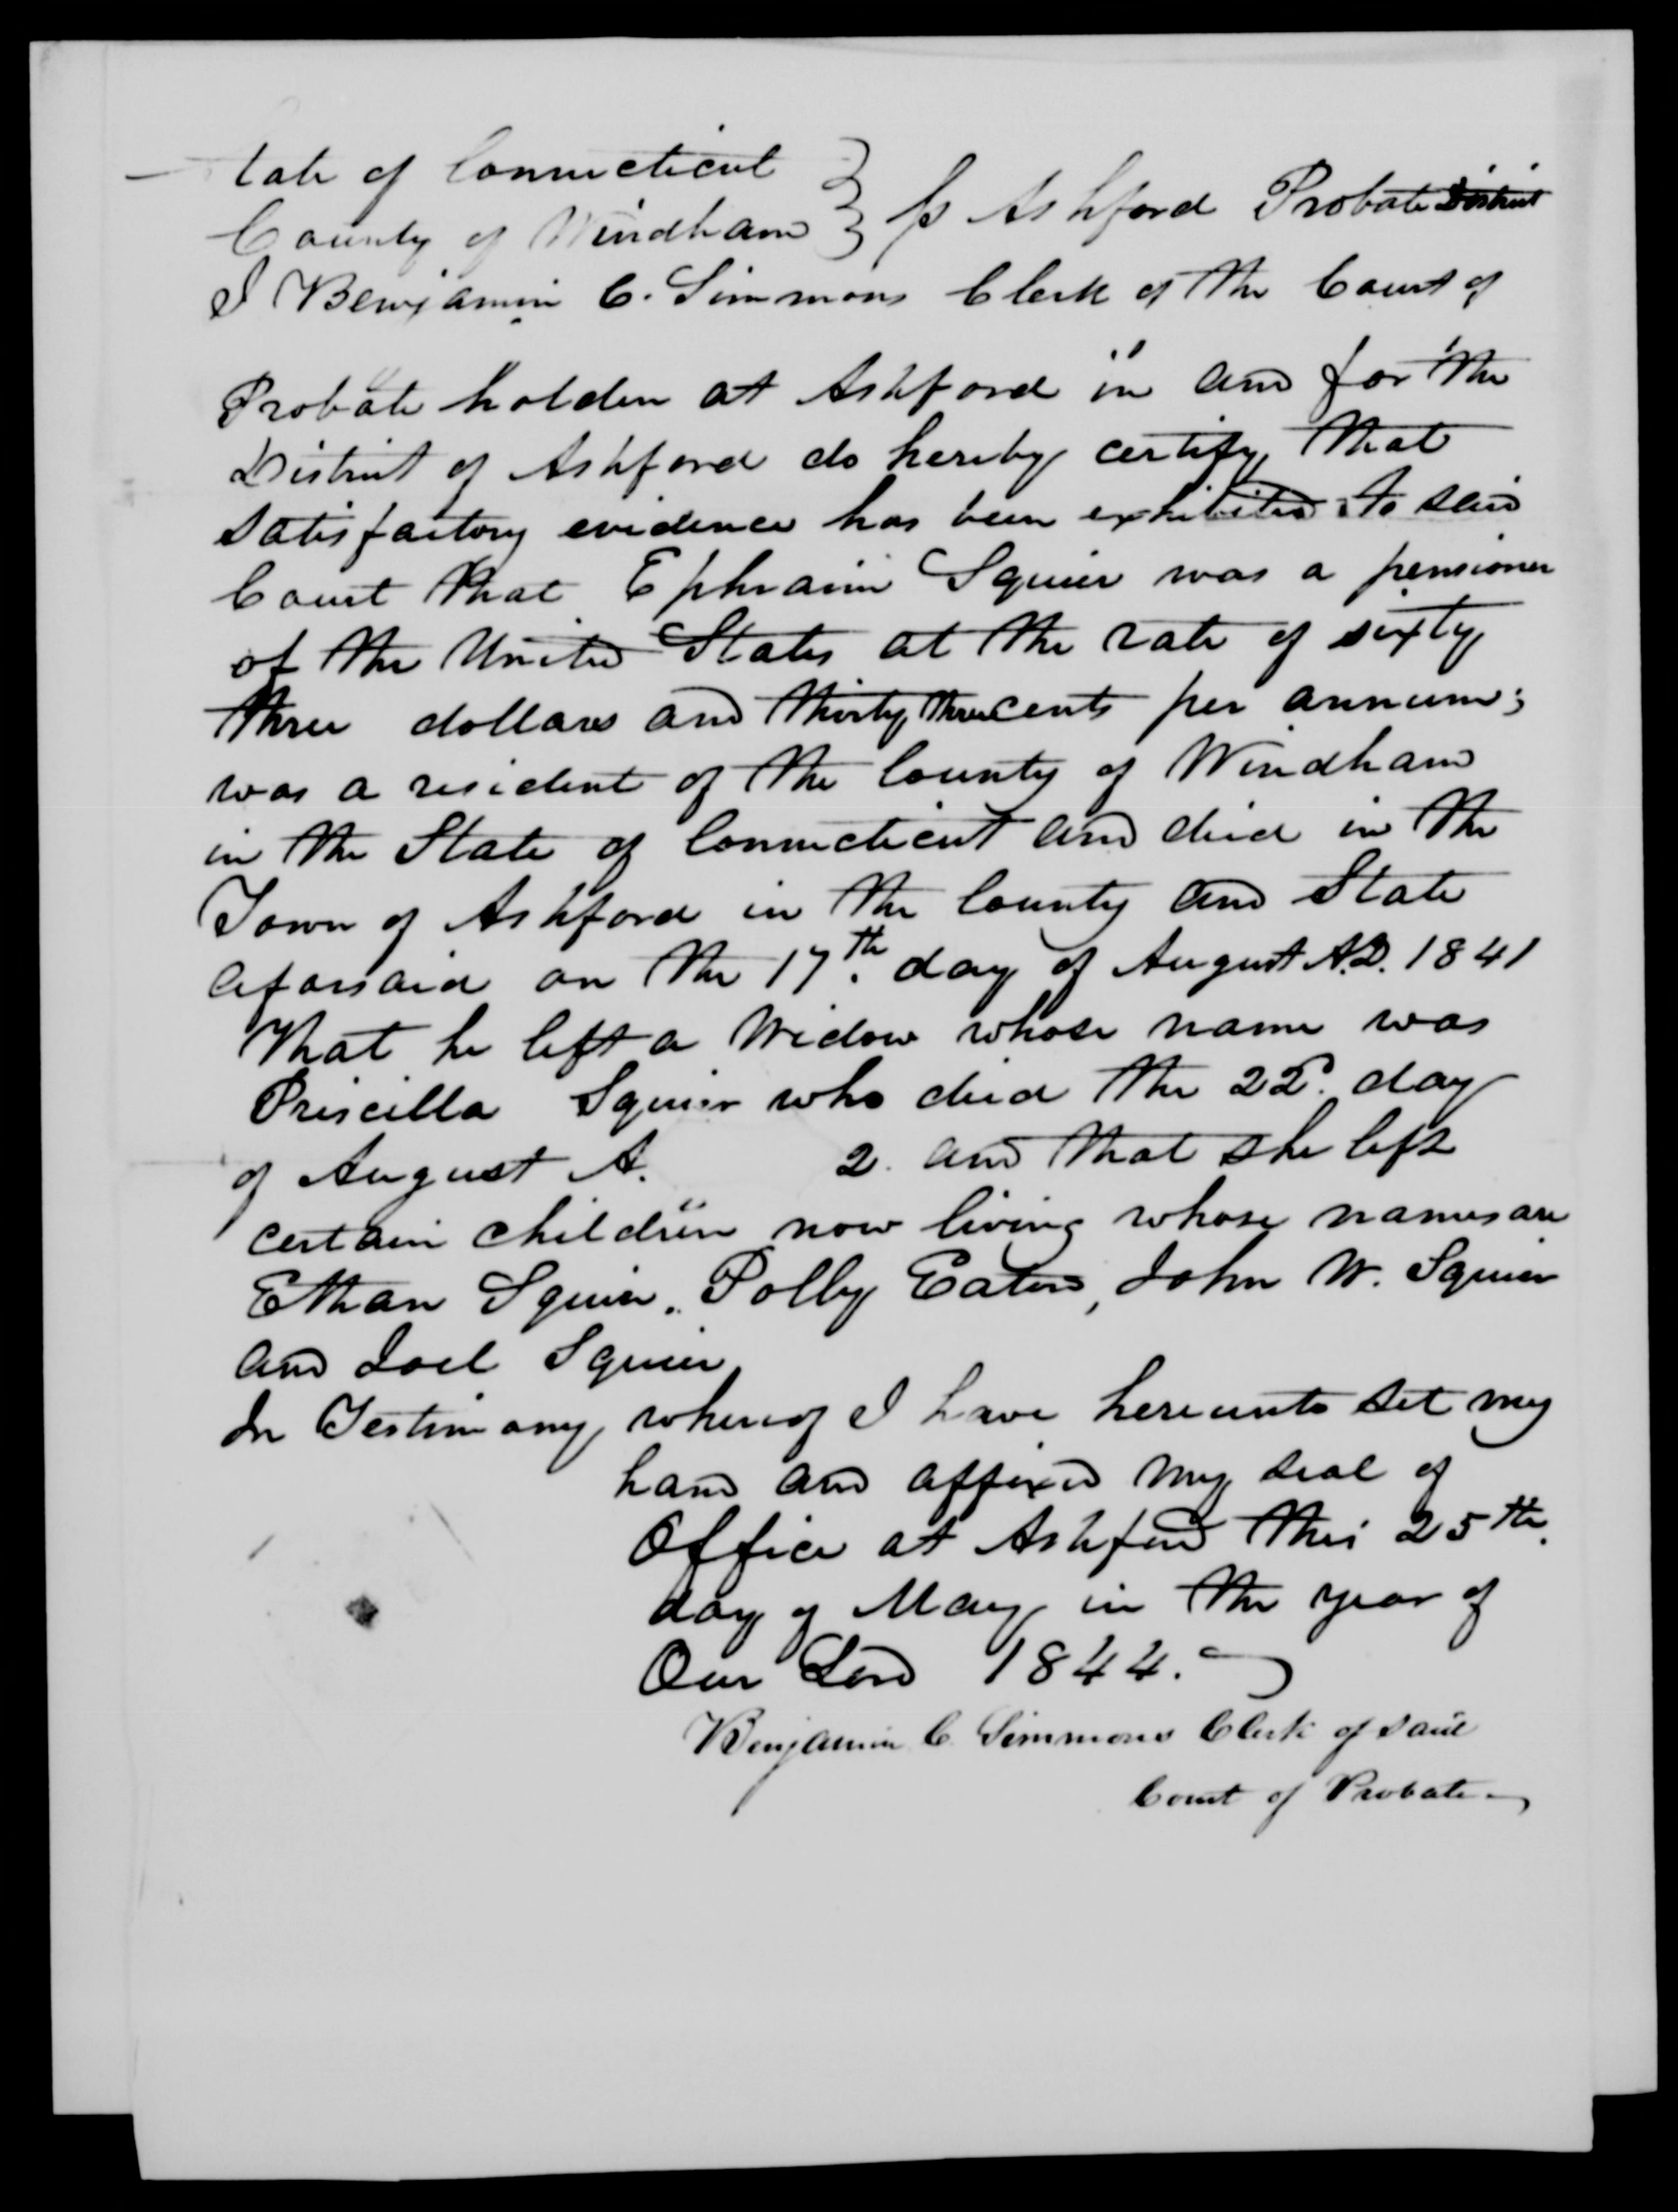State of Connecticut
County of Windham } Ashford Probate [illegible] 
I Benjamin C. Simmons Clerk of the County of Probate holden at Ashford in and for the District of Ashford do hereby certify that satisfactory evidence has been exhibited to said Court that Ephraim was a pensioner of the United States at the rate of sixty three dollars and thirty three cents per annum's was a resident of the County of Windham in the State of Connecticut and died in the Town of Ashford in the County and State aforesaid on the 17th day of August A.D. 1841 that he left a widow whose name was Priscilla Squier who died the 22 day of August A.D. [believed to be 1842] and that she left certain children now living whose names are Ethan Squier, Polly Eaton, John W Squier and Joel Squier.

In Testimony whereof I have her unto set my hand and affixed my seal of Office at Ashford this 25th day of May in the year of our Lord 1844. 

Benjamin C. Simmons Clerk of said County of Probates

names: Priscilla Squier; Polly Eaton; Benjamin C Simmons; Benjamin C Simmons; Ethan Squier; Joel Squier; John W Squier; Ephraim Squier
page: 49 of 70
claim: rejected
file: R. 10,026, for Ephraim Squier, Connecticut